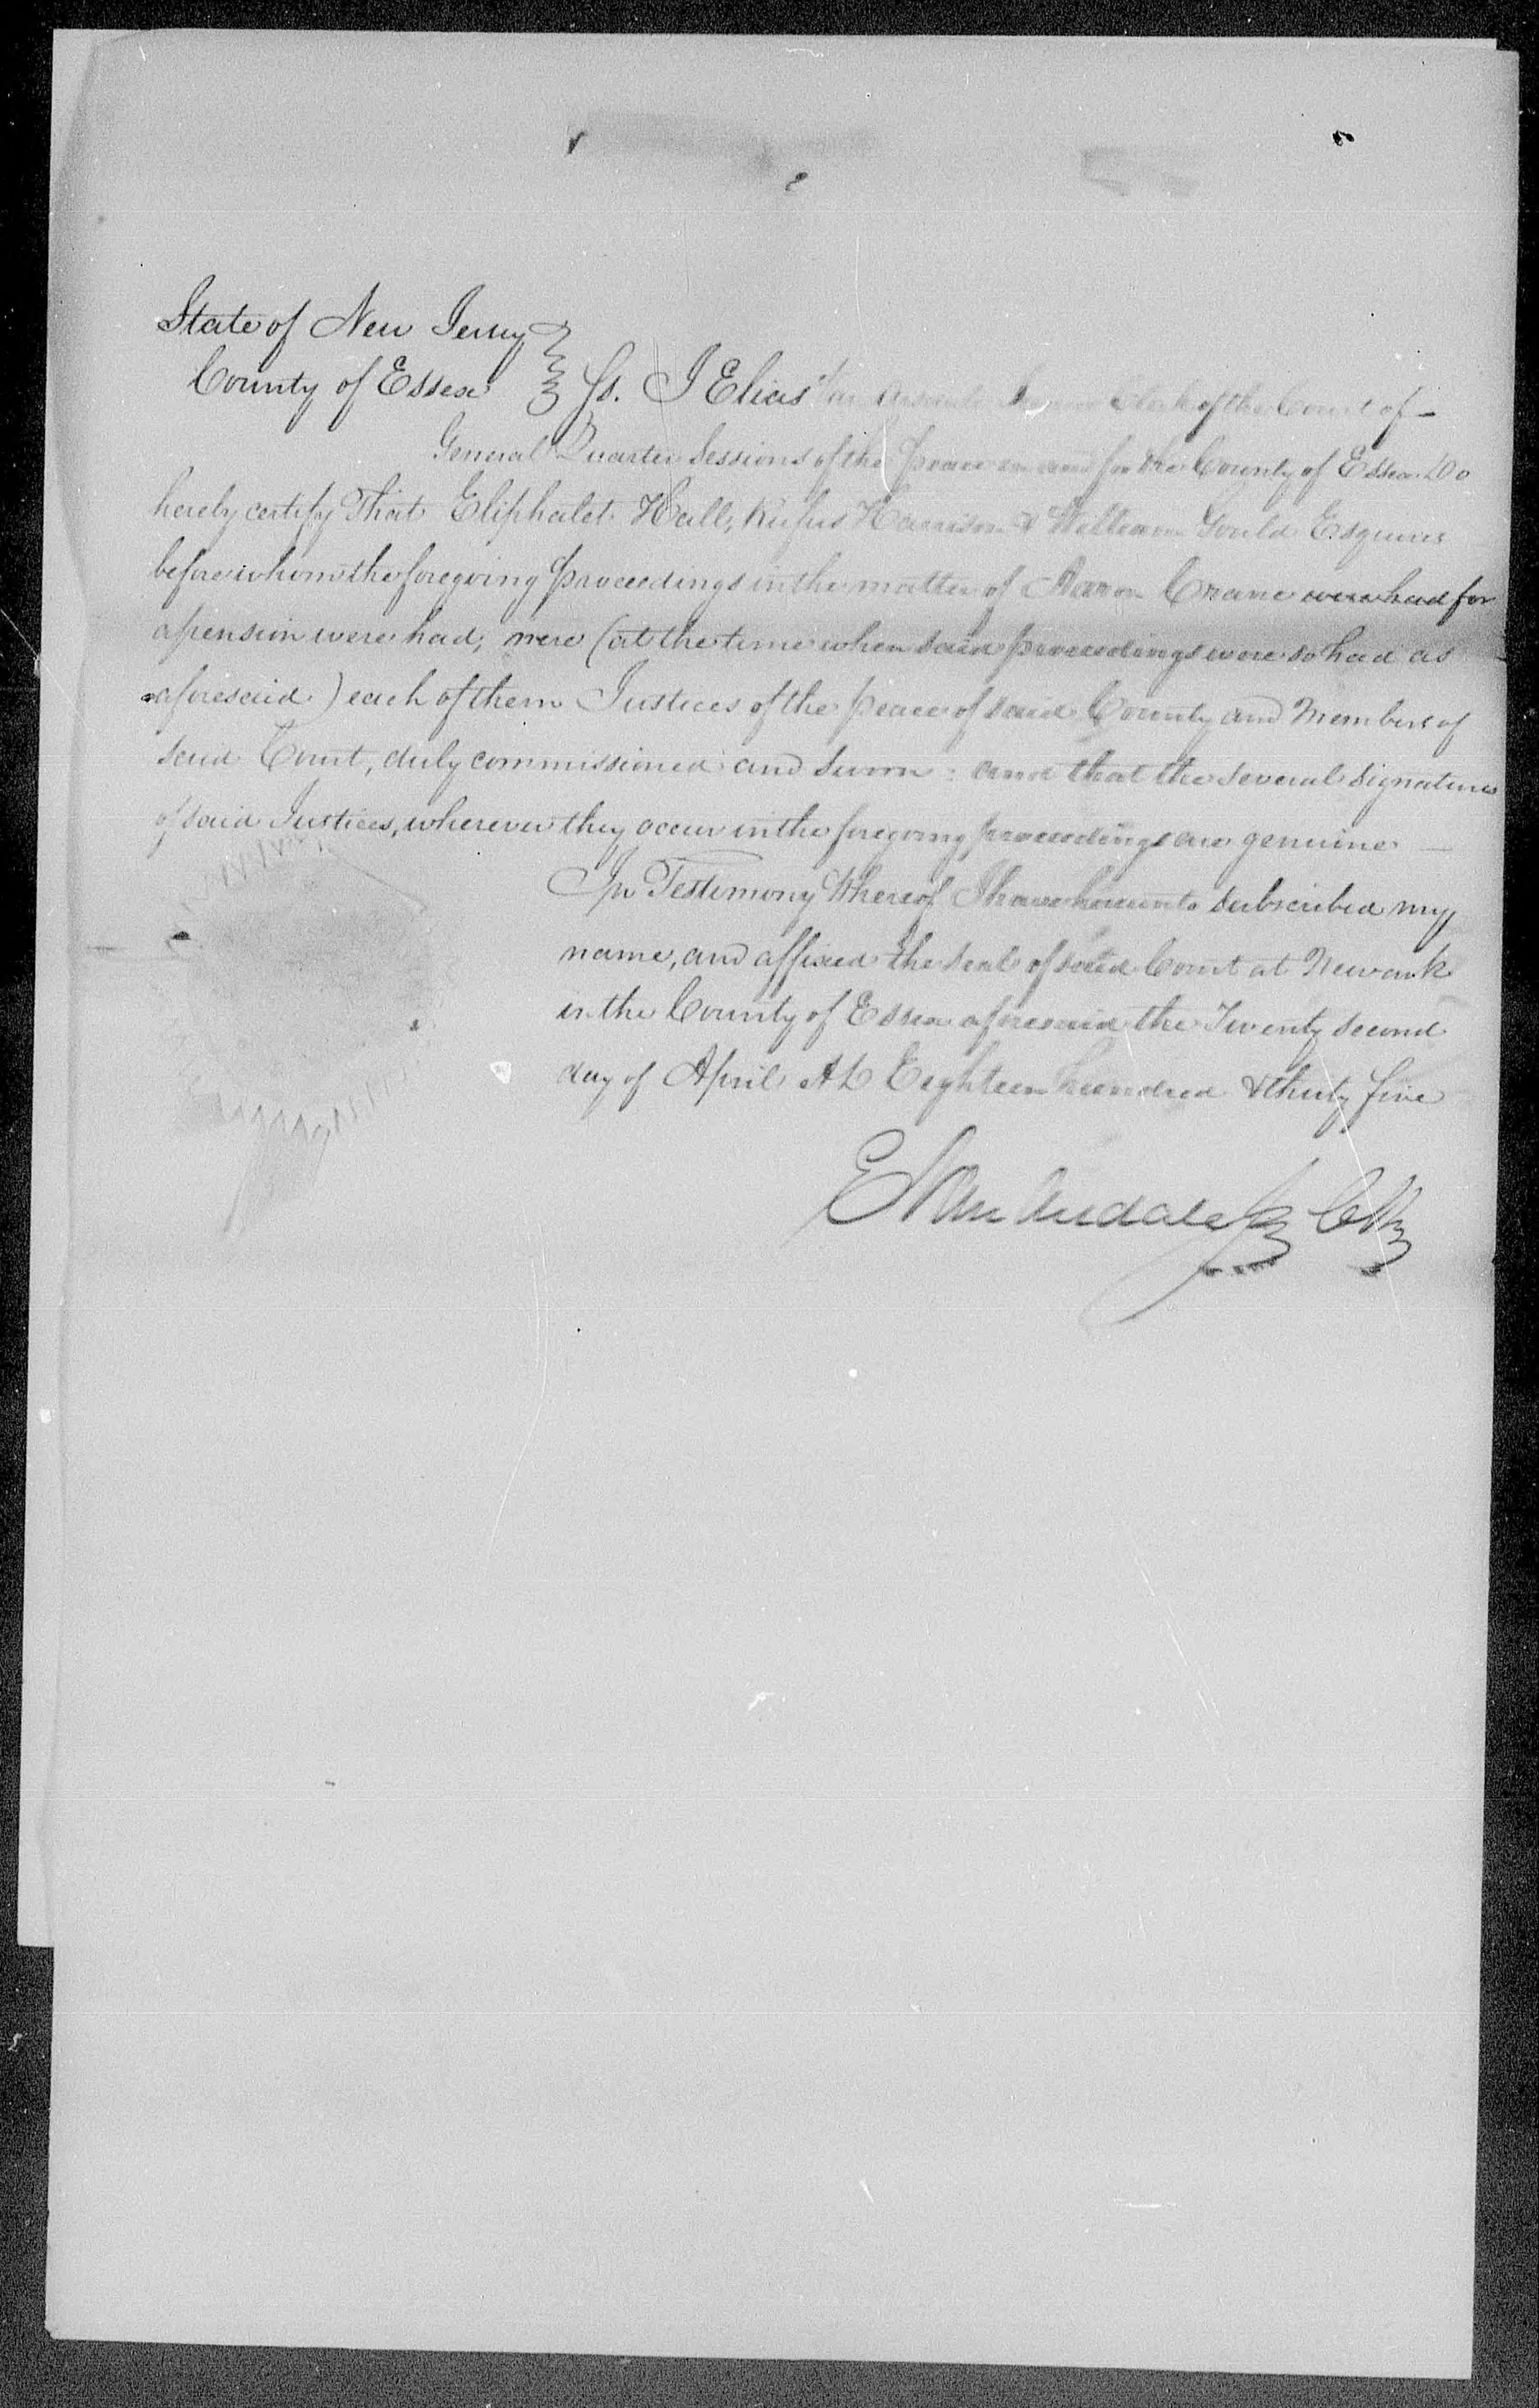State of New Jersey
                                            SS:
County of Essex                                      I Elias Van Arsdale ? Clerk of the Court of 

                                            General Quarter Sessions of the Peace in and fpr the County of Essex .  Do

hereby certify  That Eliphalet Hall, Rufus Harrison, & William Gould Esquire

before whom the foregoing proceedings in the matter of Aaron Cran

a pension were had; were for the time when said proceedings were so had as

aforesaid each of them Justies of the Peace for said County and memdoer of

said Court, duly commissioed and sworn; and that the several signatures

of said Justices. whenever they occur in the foregoing procedings are genuine


In testimony whereof I have hereunto subscribe my

name, and affixed the seal of said Court at Newark

in the County of Essex aforesaid the Twenty second

day of April A. D. Eighteen hundred & thirty five

                                   E Van Ardsdale, Clk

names: William Gould, Aaron Crane, Rufus Harrison, Elias Van Arsdale, Eliphalet Hall, Eliphalet Hall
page: 23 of 32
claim: rejected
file: R. 2441, Aaron Crane, New Jersey